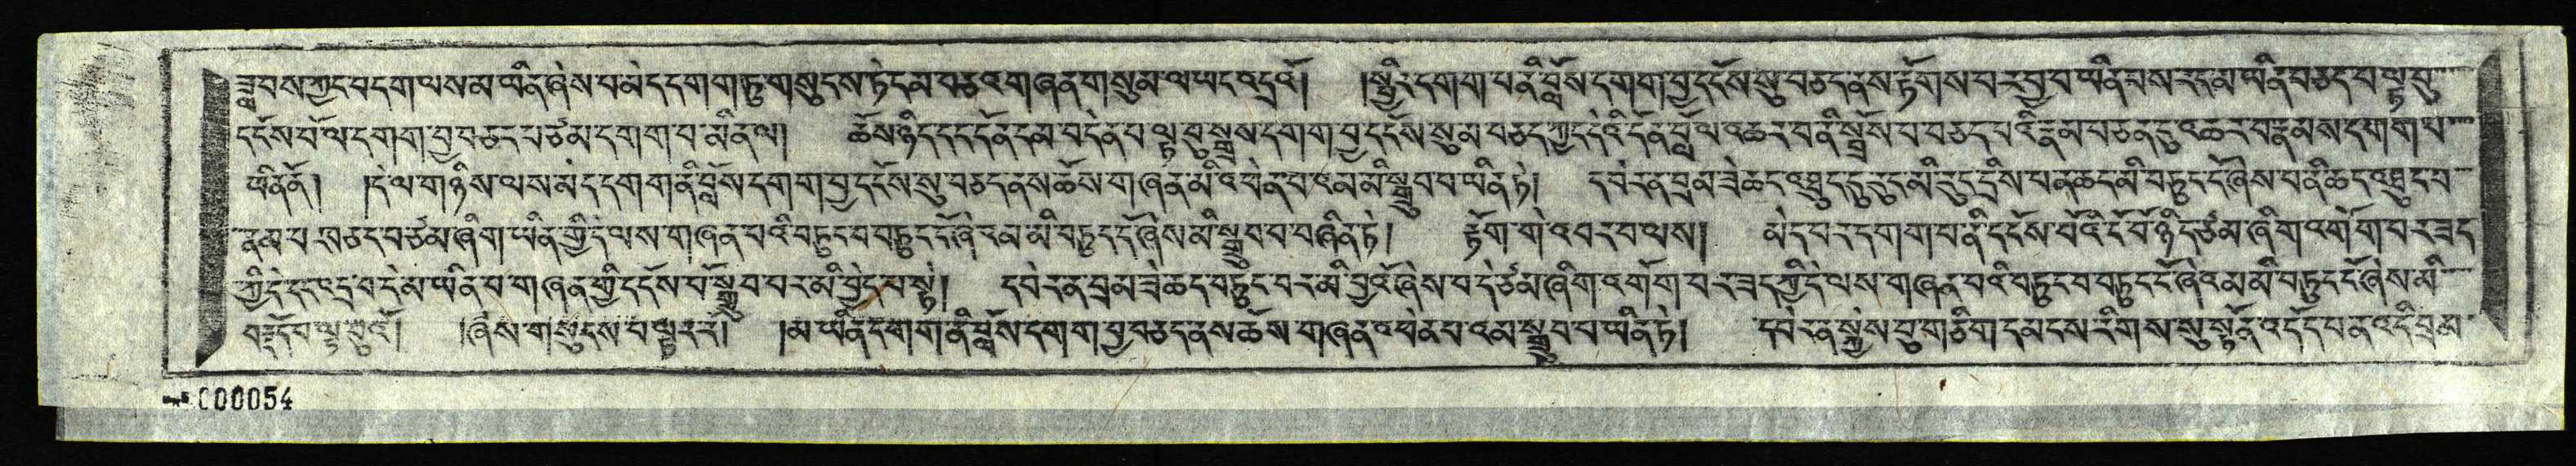ཟླ་བས་ཀྱང་བདག་ལས་མ་ཡིན་ཞེས་པ་མེད་དགག་ཏུ་གསུངས་ཏེ་དམ་བཅའ་གཞན་གསུམ་ལ་ཡང་འདྲའོ། །སྤྱིར་དགག་པ་ནི་བློས་དགག་བྱ་དངོས་སུ་བཅད་ནས་རྟོགས་པར་བྱ་བ་ཡིན་པས་རང་མ་ཡིན་བཅད་པ་ལྟ་བུ་
དངོས་པོ་ལ་དགག་བྱ་བཅད་པ་ཙམ་དགག་པ་མིན་ལ། ཆོས་ཉིད་དང་དོན་དམ་བདེན་པ་ལྟ་བུ་སྒྲས་དགག་བྱ་དངོས་སུ་མ་བཅད་ཀྱང་དེའི་དོན་བློ་ལ་འཆར་བ་ནི་སྤྲོས་པ་བཅད་པའི་རྣམ་པ་ཅན་དུ་འཆར་བ་རྣམས་དགག་པ་
ཡིན་ནོ། །དེ་ལ་གཉིས་ལས་མེད་དགག་ནི་བློས་དགག་བྱ་དངོས་སུ་བཅད་ནས་ཆོས་གཞན་མི་འཕེན་པ་འམ་མི་སྒྲུབ་པ་ཡིན་ཏེ། དཔེར་ན་བྲམ་ཟེ་ཆང་འཐུང་དུ་རུང་མི་རུང་དྲིས་པ་ན་ཆད་མི་བཏུང་ངོ་ཞེས་པ་ནི་ཆང་འཐུང་བ་
རྣམ་པར་བཅད་པ་ཙམ་ཞིག་ཡིན་གྱི་དེ་ལས་གཞན་པའི་བཏུང་བ་བཏུང་ངོ་ཞེ་འམ་མི་བཏུང་ངོ་ཞེས་མི་སྒྲུབ་པ་བཞིན་ཏེ། རྟོག་གེ་འབར་བ་ལས། མེད་པར་དགག་པ་ནི་དངོས་པོའི་ངོ་བོ་ཉིད་ཙམ་ཞིག་འགོག་པར་ཟད་
ཀྱི་དེ་དང་འདྲ་བ་དེ་མ་ཡིན་པ་གཞན་གྱི་དངོས་པོ་སྒྲུབ་པར་མི་བྱེད་པ་སྟེ། དཔེར་ན་བྲམ་ཟེ་ཆད་བཏུང་བར་མི་བྱའོ་ཞེས་པ་དེ་ཙམ་ཞིག་འགོག་པར་ཟད་ཀྱི་དེ་ལས་གཞན་པའི་བཏུང་བ་བཏུང་ངོ་ཞེའམ་མི་བཏུང་ངོ་ཞེས་མི་
བརྗོད་པ་ལྟ་བུའོ། །ཞེས་གསུངས་པ་ལྟར་རོ། །མ་ཡིན་དགག་ནི་བློས་དགག་བྱ་བཅད་ནས་ཆོས་གཞན་འཕེན་པ་འམ་སྒྲུབ་པ་ཡིན་ཏེ། དཔེར་ན་སྐྱེས་བུ་གཅིག་དམངས་རིགས་སུ་སྟོན་འདོད་པ་ན་འདི་བྲམ་